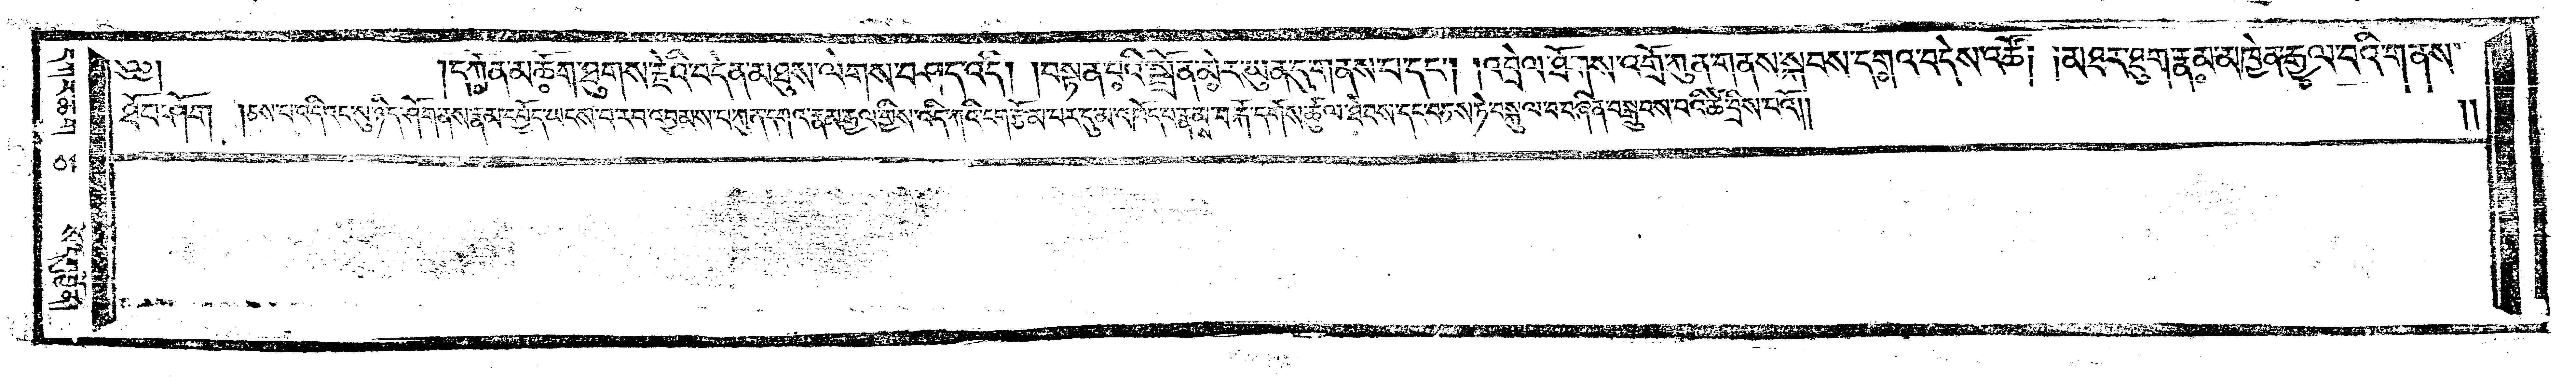༄༅། །དཀོན་མཆོག་ཐུགས་རྗེའི་བདེན་མཐུས་ལེགས་བཤད་པ་འདི། །བསྟན་པའི་སྒྲོན་མེར་ཡུན་དུ་གནས་པ་དང་། །འབྲེལ་ཐོགས་འགྲོ་ཀུན་གནས་སྐབས་དགའ་བདེས་འཚོ། །མཐར་ཐུག་རྣམ་མཁྱེན་རྒྱལ་བའི། །
ཐོབ་ཤོག །ཅེས་པ་འདིའང་སུ་ཉིད་ཤོག་ནས་རྣམ་དཔྱོད་ཡངས་བ་རབ་འབྱམས་པ་ཀུན་དགའ་རྣམ་རྒྱལ་གྱིས་འདི་གའི་ངག་རྩོམ་པར་དུ་མ་འཁོད་བརྩམ་བརྐོ་དགོས་ཚུལ་ཐེབས་དང་བཅས་ཏེ་བསྐུ་ལར་བཞིན་བསྒྲུབས་པའི་ཚེ་བྲིས་པའོ།།